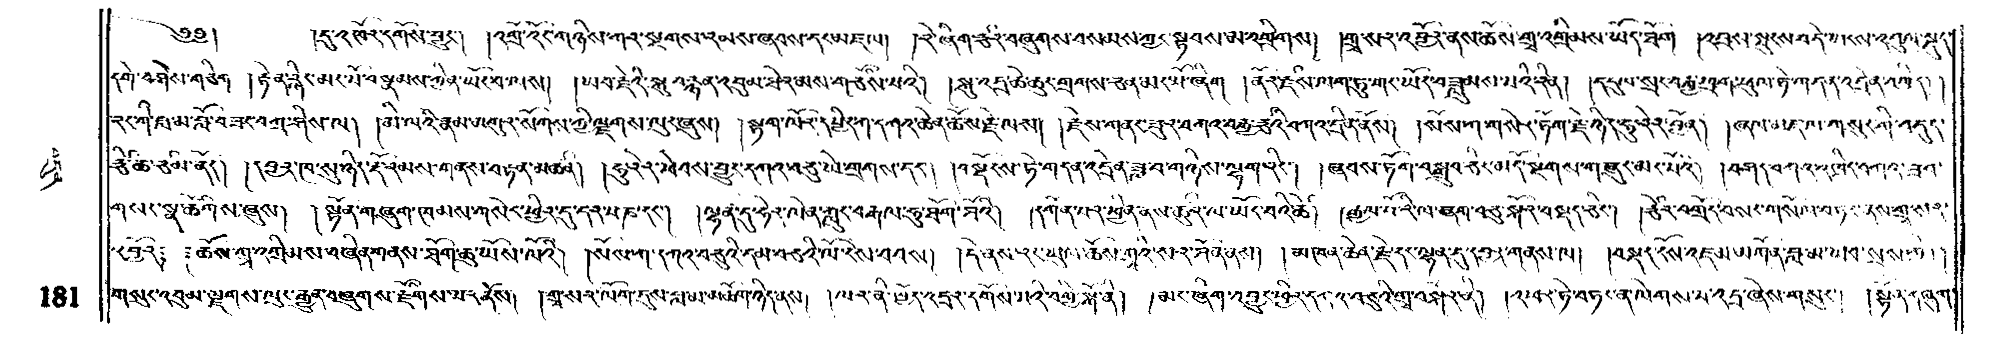༄༅། །དུ་འཁོར་དགོས་བྱུང་། །འགྲོ་འོང་གཉིས་ཀར་སྔགས་རམས་ཞབས་དང་མཇལ། །རེ་ཞིག་རྩིར་བཞུགས་བསམས་ཀྱང་སྟབས་མ་འགྲིགས། །གྲྭ་སར་འབྱོར་ནས་ཆོས་གྲྭ་འགྲིམས་ཡོད་ཐོག །འབྲས་སྤུངས་བདེ་ཡངས་འབུལ་སྡུད་
དགེ་བཤེས་གཅིག །རྟེན་རྙིང་མང་བོ་བསྣམས་ཀྱིན་ཡོང་བ་ལས། །ཡབ་རྗེའི་སྐུ་བརྙན་འབུམ་ཐེར་མས་གཙོས་པའི། །སྐུ་འདྲ་ཆེ་ཆུང་གྲགས་ཅན་མང་བོ་ཞིག །ནོར་རྫས་ལག་ཏུ་གང་ཡོད་བཟླུམས་པའི་རིན། །དངུལ་སྲང་བརྒྱ་ཕྲག་ཕུལ་ཏེ་གདན་འདྲེན་འགྱིད། །
རང་གི་བླ་མ་བློ་བཟང་བཀྲ་ཤིས་ལ། །མི་ལའི་རྣམ་མགུར་སོགས་ཀྱི་ལྗགས་ལུང་ཞུས། །སྟག་ལོར་དཔྱིད་ཀ་དཀའ་ཆེན་ཆོས་རྗེ་ལས། །རྗེས་གནང་ཟུར་བཀའ་བརྒྱ་རྩའི་བཀའ་དྲིན་ནོས། །སོས་ཀ་གསེར་ཏོག་རྗེ་ཉིད་ཧུ་རེར་བྱོན། །ཞལ་མཇལ་གསུང་གི་བདུད་
རྩི་ཆ་ཙམ་ནོད། །དབྱར་ཁ་སུ་ཉིད་རྡོ་རམས་གནས་བརྟན་མཚན། །ཧུ་རེར་ཕེབས་བྱུང་དཀའ་བཅུ་ཡེ་གྲགས་དང་། །བསྡོངས་ཏེ་གདན་འདྲེན་ཟླ་བ་གཉིས་ལྷག་རིང་། །ཞབས་ཏོག་བསྒྲུབ་ཅིང་མདོ་སྔགས་གཞུང་མང་བོའི། །བཤད་བཀའ་འཁྲིད་བཀའ་ཟབ་
གསང་སྣ་ཚོགས་ཞུས། །སྟོན་གཞུག་ཁམས་གསེང་ཕྱིར་དུ་དར་པཎ་དང་། །ལྷན་དུ་ཧེར་ལེན་ཀླུང་བརྒལ་ཧུ་ཐོག་ཐོའི། །དགོན་པར་ཕྱིན་ནས་ཚུར་ལ་ཡོང་བའི་ཚེ། །རྒྱལ་པོ་རི་ལ་ཞག་བཅུ་སྐོར་བསྡད་ཅིང་། །རྩེར་བགྲོད་བསང་གསོལ་བཏང་ནས་གྲྭ་སར་
འབྱོར༑ ༑ཆོས་གྲྭ་འགྲིམས་བཞིན་གནས་ཐོག་ཆུ་ཡོས་ལོའི། །སོས་ཀ་དཀའ་བཅུའི་དམ་བཅའི་ལོ་ངེས་བབས། །དེ་ནས་རང་ཡུལ་ཆོས་གྲྭའི་སར་ཐོན་ནས། །མཁན་ཆེན་རྗེ་དང་ལྷན་དུ་དབྱར་གནས་ལ། །བསྡད་ངོས་འཇམ་མགོན་བླ་མ་ཡབ་སྲས་ཀྱི། །
གསུང་འབུམ་ལྗགས་ལུང་རྒྱུན་བཞུགས་རྫོགས་པར་ནོས། །གྲྭ་སར་ལོག་དུས་བླ་མ་མཆོག་ཉིད་ནས། །ལར་ནི་ཁྱོད་འདྲར་དགོས་པའི་བགྱི་སྒོ་ནི། །མང་ཞིག་འབྱུང་ཕྱིར་དཀའ་བཅུའི་གྲྭ་བསྐོར་ནི། །འཕར་ཏེ་བཏང་ན་ལེགས་པ་འདྲ་ཞེས་གསུང་། །སྟོན་གཞུག་